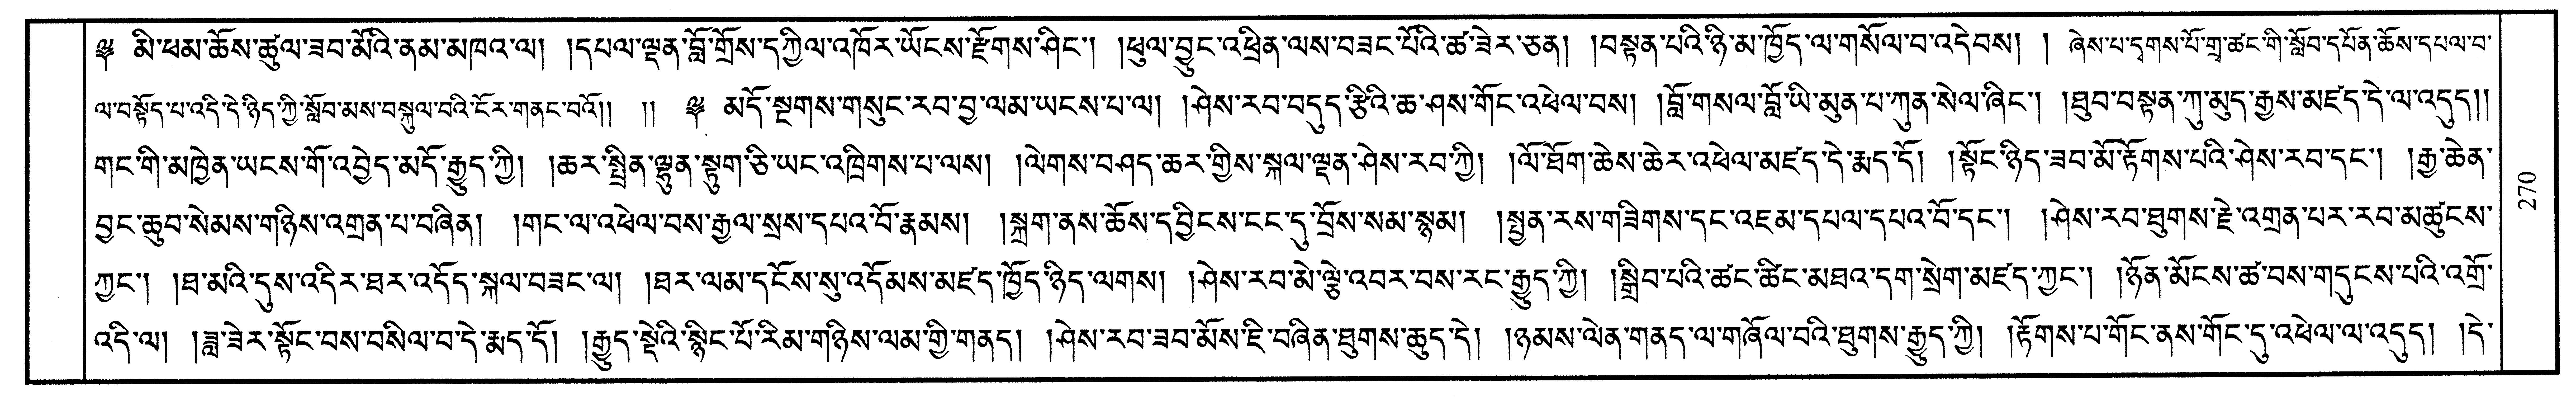༈ མི་ཕམ་ཆོས་ཚུལ་ཟབ་མོའི་ནམ་མཁའ་ལ། །དཔལ་ལྡན་བློ་གྲོས་དཀྱིལ་འཁོར་ཡོངས་རྫོགས་ཤིང་། །ཕུལ་བྱུང་འཕྲིན་ལས་བཟང་པོའི་ཚ་ཟེར་ཅན། །བསྟན་པའི་ཉི་མ་ཁྱོད་ལ་གསོལ་བ་འདེབས། །ཞེས་པ་དྭགས་པོ་གྲྭ་ཚང་གི་སློབ་དཔོན་ཆོས་དཔལ་བ་
ལ་བསྟོད་པ་འདི་དེ་ཉིད་ཀྱི་སློབ་མས་བསྐུལ་བའི་ངོར་གནང་བའོ།། །། ༈ མདོ་སྔགས་གསུང་རབ་བྱ་ལམ་ཡངས་པ་ལ། །ཤེས་རབ་བདུད་རྩིའི་ཆ་ཤས་གོང་འཕེལ་བས། །བློ་གསལ་བློ་ཡི་མུན་པ་ཀུན་སེལ་ཞིང་། །ཐུབ་བསྟན་ཀུ་མུད་རྒྱས་མཛད་དེ་ལ་འདུད།།
གང་གི་མཁྱེན་ཡངས་གོ་འབྱེད་མདོ་རྒྱུད་ཀྱི། །ཆར་སྤྲིན་ལྷུན་སྟུག་ཅི་ཡང་འཁྲིགས་པ་ལས། །ལེགས་བཤད་ཆར་གྱིས་སྐལ་ལྡན་ཤེས་རབ་ཀྱི། །ལོ་ཐོག་ཆེས་ཆེར་འཕེལ་མཛད་དེ་རྨད་དོ། །སྟོང་ཉིད་ཟབ་མོ་རྟོགས་པའི་ཤེས་རབ་དང་། །རྒྱ་ཆེན་
བྱང་ཆུབ་སེམས་གཉིས་འགྲན་པ་བཞིན། །གང་ལ་འཕེལ་བས་རྒྱལ་སྲས་དཔའ་བོ་རྣམས། །སྐྲག་ནས་ཆོས་དབྱིངས་ངང་དུ་བྲོས་སམ་སྙམ། །སྤྱན་རས་གཟིགས་དང་འཇམ་དཔལ་དཔའ་བོ་དང་། །ཤེས་རབ་ཐུགས་རྗེ་འགྲན་པར་རབ་མཚུངས་
ཀྱང་། །ཐ་མའི་དུས་འདིར་ཐར་འདོད་སྐལ་བཟང་ལ། །ཐར་ལམ་དངོས་སུ་འདོམས་མཛད་ཁྱོད་ཉིད་ལགས། །ཤེས་རབ་མེ་ལྕེ་འབར་བས་རང་རྒྱུད་ཀྱི། །སྒྲིབ་པའི་ཚང་ཚིང་མཐའ་དག་སྲེག་མཛད་ཀྱང་། །ཉོན་མོངས་ཚ་བས་གདུངས་པའི་འགྲོ་
འདི་ལ། །ཟླ་ཟེར་སྟོང་བས་བསིལ་བ་དེ་རྨད་དོ། །རྒྱུད་སྡེའི་སྙིང་པོ་རིམ་གཉིས་ལམ་གྱི་གནད། །ཤེས་རབ་ཟབ་མོས་ཇི་བཞིན་ཐུགས་ཆུད་དེ། །ཉམས་ལེན་གནད་ལ་གཞོལ་བའི་ཐུགས་རྒྱུད་ཀྱི། །རྟོགས་པ་གོང་ནས་གོང་དུ་འཕེལ་ལ་འདུད། །དེ་